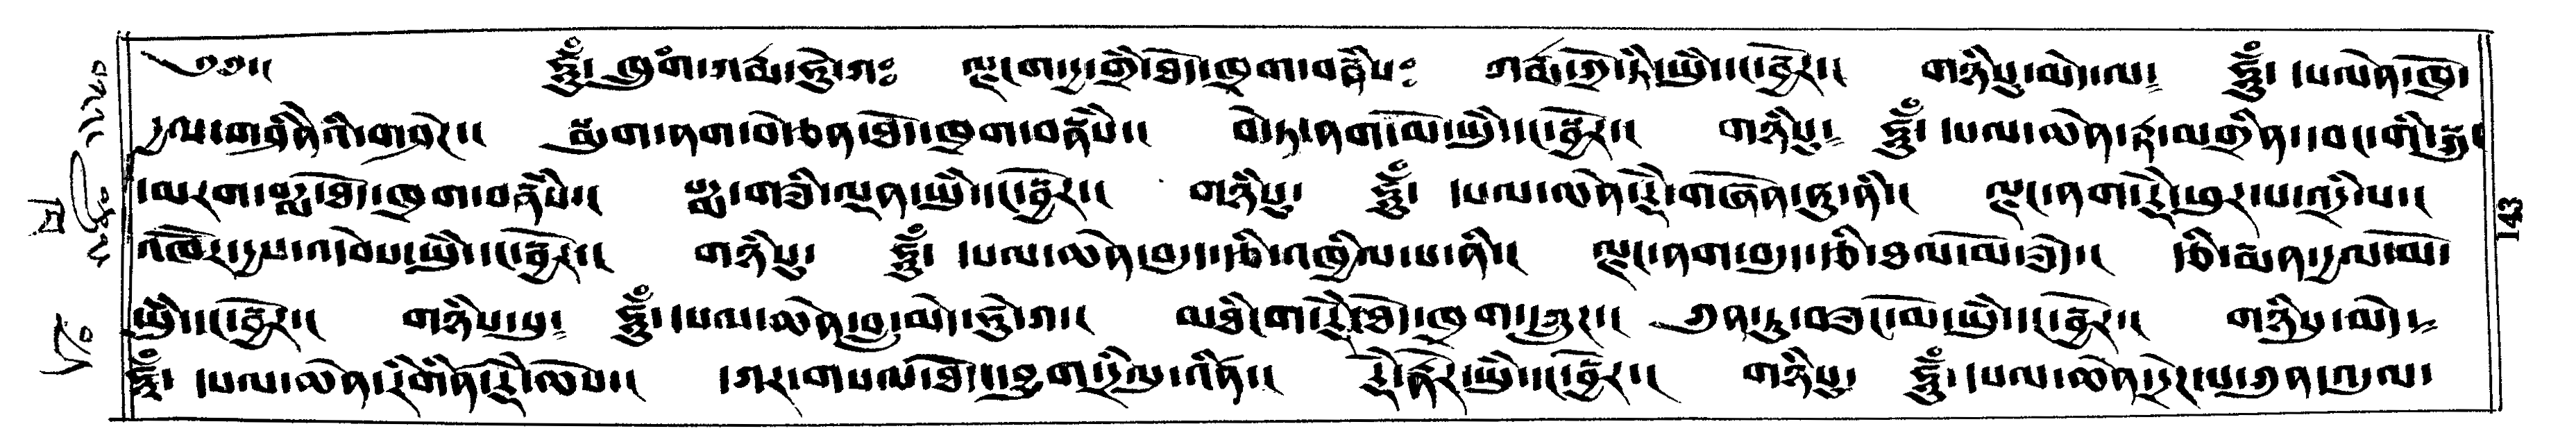ཧཱུྃ། ཁྲག་འཐུང་ཀརྨ་ཧེ་རུ་ཀཿ །ལྗང་ནག་རྒྱ་གྲམ་ཐོད་ཁྲག་བསྣམས། །ཀརྨ་ཀྲོ་ཏི་ཡུམ་དང་སྦྱོར། །གཉིས་སུ་མེད་ལ༴ཧཱུྃ། དཔལ་ཆེན་ཁྲོ་
རྒྱལ་གཤིན་རྗེ་གཤེགས། །སྨུག་ནག་བེ་ཅོན་ཐོད་ཁྲག་བསྣམས། །བེ་ཏ་ནག་མོ་ཡུམ་དང་སྦྱོར། །གཉིས་སུ༴ ཧཱུྃ། དཔལ་ཆེན་རྟ་མགྲིན་དབང་གི་སྐུ། 
དམར་ནག་པདྨ་ཐོད་ཁྲག་བསྣམས། །པདྨ་གཟི་ལྡན་ཡུམ་དང་སྦྱོར། །གཉིས་སུ༴ ཧཱུྃ། དཔལ་ཆེན་རྡོ་རྗེ་གཞོན་ནུ་ནི། །ལྗང་ནག་རྡོ་རྗེ་ཕུར་པ་འདྲིལ། །
འཁོར་ལོ་རྒྱས་འདེབས་ཡུམ་དང་སྦྱོར། །གཉིས་སུ་མེད༴ ཧཱུྃཿ དཔལ་ཆེན་བདུད་རྩི་འཁྱིལ་པ་ནི། །ལྗང་ནག་བདུད་རྩི་ཐལ་མོ་ཟེད། །རྩི་སྨན་རྒྱལ་མོ་
ཡུམ་དང་སྦྱོར། །གཉིས་སུ༴ ཧུང་། དཔལ་ཆེན་བླ་མེད་ཧེ་རུ་ཀཿ མཐིང་ནས་རྡོ་རྗེ་ཐོད་ཁྲག་དཀྲུགས། ཀུན་རྒྱུ་བཟང་མོ་ཡུམ་དང་སྦྱོར། གཉིས་སུ༴ 
ཧཱུྃ། དཔལ་ཆེན་རིག་འཛིན་རྡོ་རྗེ་ཆོས། །དཀར་གསལ་ཐོད་དབྱུག་དྲིལ་བུ་འཛིན། །རྡོ་རྗེ་རྣལ་འབྱོར་ཡུམ་དང་སྦྱོར། །གཉིས་སུ༴ ཧཱུྃ། དཔལ་ཆེན་དྲེགས་པ་ཀུན་འདུལ་